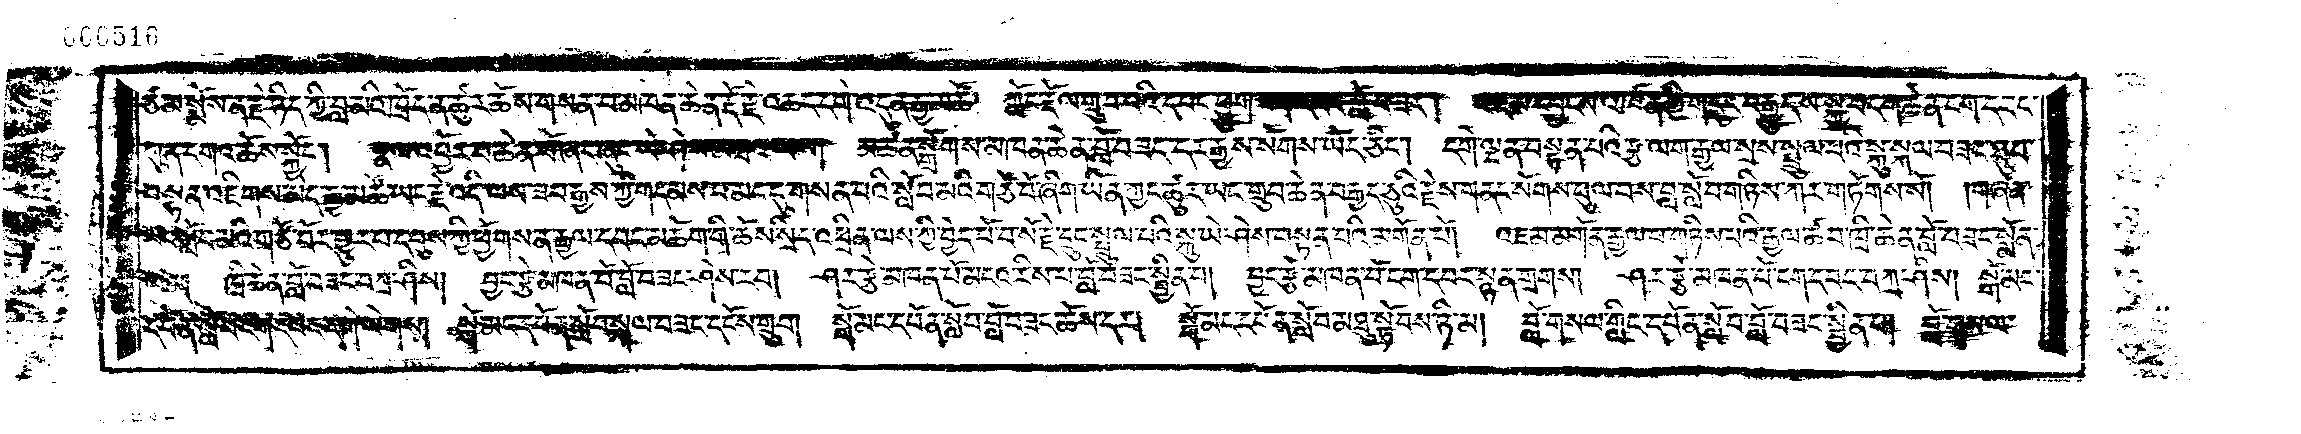ཙམ་སྨོས་ན་རྗེ་ཉིད་ཀྱི་བླ་མའི་ཁྲོད་ན་ཚུར་ཆོས་གསན་པ་མཁན་ཆེན་རྡོ་རྗེ་འཆང་དགེ་འདུན་རྒྱ་མཚོ། ཀློང་རྡོལ་གྲུབ་པའི་དབང་ཕྱུག་ངག་དབང་བློ་བཟང་། འཇམ་དབྱངས་འཁོན་གྱི་གདུང་བརྒྱུད་ས་སྐྱ་བདག་ཆེན་ངག་དབང་
ཀུན་དགའ་ཆོས་སྐྱོང་། རྣལ་འབྱོར་བ་ཆེན་པོ་ཞང་ཞུང་ཡེ་ཤེས་མཐའ་ཡས། མཚན་སྒྲོགས་མཁན་ཆེན་བློ་བཟང་དར་རྒྱས་སོགས་ཡོད་ཅིང་། དགེ་ལྡན་བསྟན་པའི་རྩ་ལག་རྒྱལ་སྲས་སྤྲུལ་པའི་སྐུ་སྐལ་བཟང་ཐུབ་
བསྟན་འཇིགས་མེད་རྒྱ་མཚོ་ཡང་རྗེ་འདི་ལས་ཟབ་རྒྱས་ཀྱི་གདམས་པ་མང་དུ་གསན་པའི་སློབ་མའི་གཙོ་བོ་ཞིག་ཡིན་ཀྱང་ཚུར་ཡང་གྲུབ་ཆེན་བརྒྱད་ཅུའི་རྗེས་གནང་སོགས་ཕུལ་བས་བླ་སློབ་གཉིས་ཀར་གཏོགས་སོ། །གཞན་
ཡང་སློབ་མའི་གཙོ་བོར་གྱུར་པ་དབུས་ཀྱི་ཕྱོགས་ན་རྒྱལ་དབང་མཆོག་གི་ཆོས་སྲིད་འཕྲིན་ལས་ཀྱི་བྱེད་པོ་བ་སོ་རྗེ་དྲུང་སྤྲུལ་པའི་སྐུ་ཡེ་ཤེས་བསྟན་པའི་མགོན་པོ། འཇམ་མགོན་རྒྱལ་བ་གཉིས་པའི་རྒྱལ་ཚབ་ཁྲི་ཆེན་བློ་བཟང་སྨོན་
ལམ༑ ཁྲི་ཆེན་བློ་བཟང་བཀྲ་ཤིས། བྱང་རྩེ་མཁན་པོ་བློ་བཟང་ཤེས་རབ། ཤར་རྩེ་མཁན་པོ་མངའ་རིས་པ་བློ་བཟང་སྦྱིན་པ། བྱང་རྩེ་མཁན་པོ་ངག་དབང་སྙན་གྲགས། ཤར་རྩེ་མཁན་པོ་ངག་དབང་བཀྲ་ཤིས། སྒོ་མང་
དབོན་སློབ་ངག་དབང་དགེ་ལེགས། སྒོ་མང་དཔོན་སློབ་སྐལ་བཟང་དངོས་གྲུབ། སྒོ་མང་དཔོན་སློབ་བློ་བཟང་ཆོས་དར། སྒོ་མང་དབོན་སློབ་མཐུ་སྟོབས་ཉི་མ། བློ་གསལ་གླིང་དཔོན་སློབ་བློ་བཟང་སྦྱིན་པ། བློ་གསལ་